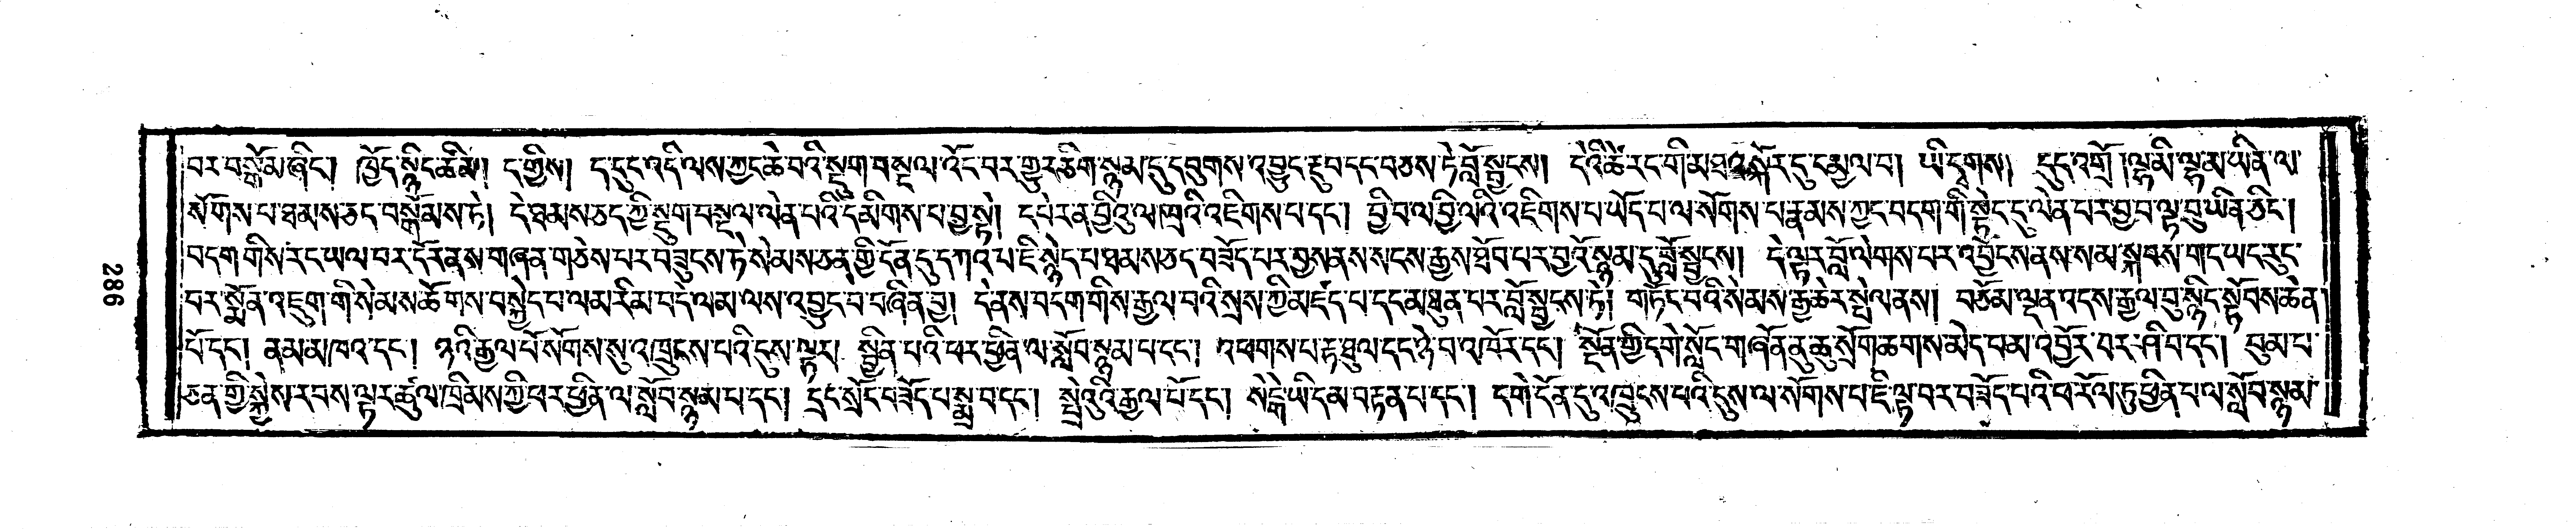བར་བསྒོམ་ཞིང་། ཁྱོད་སྙིང་ཚིམ། ད་གྱིས། ད་དུང་འདི་ལས་ཀྱང་ཆེ་བའི་སྡུག་བསྔལ་འོང་བར་གྱུར་ཅིག་སྙམ་དུ་དབུགས་འབྱུང་རྔུབ་དང་བཅས་ཏེ་བློ་སྦྱངས། དེའི་ཚེ་རང་གི་མཐའ་སྐོར་དུ་དམྱལ་བ། ཡི་དྭགས། དུད་འགྲོ་།ལྷ་མི་ལྷ་མ་ཡིན་ལ་
སོགས་པ་ཐམས་ཅད་བསྒོམས་ཏེ། དེ་ཐམས་ཅད་ཀྱི་སྡུག་བསྔལ་ལེན་པའི་དམིགས་པ་བྱ་སྟེ། དཔེར་ན་བྱིའུ་ལ་ཁྲའི་འཇིགས་པ་དང་། བྱི་བ་ལ་བྱི་ལའི་འཇ་པ་ཡོད་པ་ལ་སོགས་པ་རྣམས་ཀྱང་བདག་གི་སྟེང་དུ་ལེན་པར་བྱ་བ་ལྟ་བུ་ཡིན་ཅིང་།
བདག་གིས་རང་ཡལ་བར་དོར་ནས་གཞན་གཅེས་པར་བཟུངས་ཏེ་སེམས་ཅན་གྱི་དོན་དུ་དཀའ་བ་ཇི་སྙེད་པ་ཐམས་ཅད་བཟོད་པར་བྱས་ནས་སངས་རྒྱས་ཐོབ་པར་བྱའོ་སྙམ་དུ་བློ་སྦྱངས། དེ་ལྟར་བློ་ལེགས་པར་འབྱོངས་ནས་སམ་སྐབས་གང་ཡང་རུང་
བར་སྨོན་འཇུག་གི་སེམས་ཆོགས་བསྐྱེད་པ་ལམ་རིམ་བདེ་ལམ་ལས་འབྱུང་བ་བཞིན་བྱ། དེ་ནས་བདག་གིས་རྒྱལ་བའི་སྲས་ཀྱི་མཛད་པ་དང་མཐུན་པར་བློ་སྦྱངས་ཏེ། གཏོང་བའི་སེམས་རྒྱ་ཆེར་སྤེལ་ནས། བཅོམ་ལྡན་འདས་རྒྱལ་བུ་སྙིང་སྟོབས་ཆེན་
པོ་དང་། ནམ་མཁའ་དང་། ཉའི་རྒྱལ་པོ་སོགས་སུ་འཁྲུངས་པའི་དུས་ལྟར། སྦྱིན་པའི་ཕར་ཕྱིན་ལ་སློབ་སྙམ་པ་དང་། འཕགས་པ་རྟ་ཐུལ་དང་ཉེ་བ་འཁོར་དང་། སྔོན་གྱི་དགེ་སློང་གཞོན་ནུ་ཆུ་སྲོག་ཆགས་མེད་བ་མ་འབྱོར་བར་ཤི་བ་དང་། བུམ་པ་
ཅན་གྱི་སྐྱེས་རབས་ལྟར་ཚུལ་ཁྲིམས་ཀྱི་ཕར་ཕྱིན་ལ་སློབ་སྙམ་པ་དང་། དྲང་སྲོང་བཟོད་པ་སྨྲ་བ་དང་། སྤྲེའུའི་རྒྱལ་པོ་དང་། སེངྒེ་ཡི་དམ་བརྟན་པ་དང་། དགེ་དོན་དུ་འཁྲུངས་པའི་དུས་ལ་སོགས་པ་ཇི་ལྟ་བར་བཟོད་པའི་ཕ་རོལ་ཏུ་ཕྱིན་པ་ལ་སློབ་སྙམ་